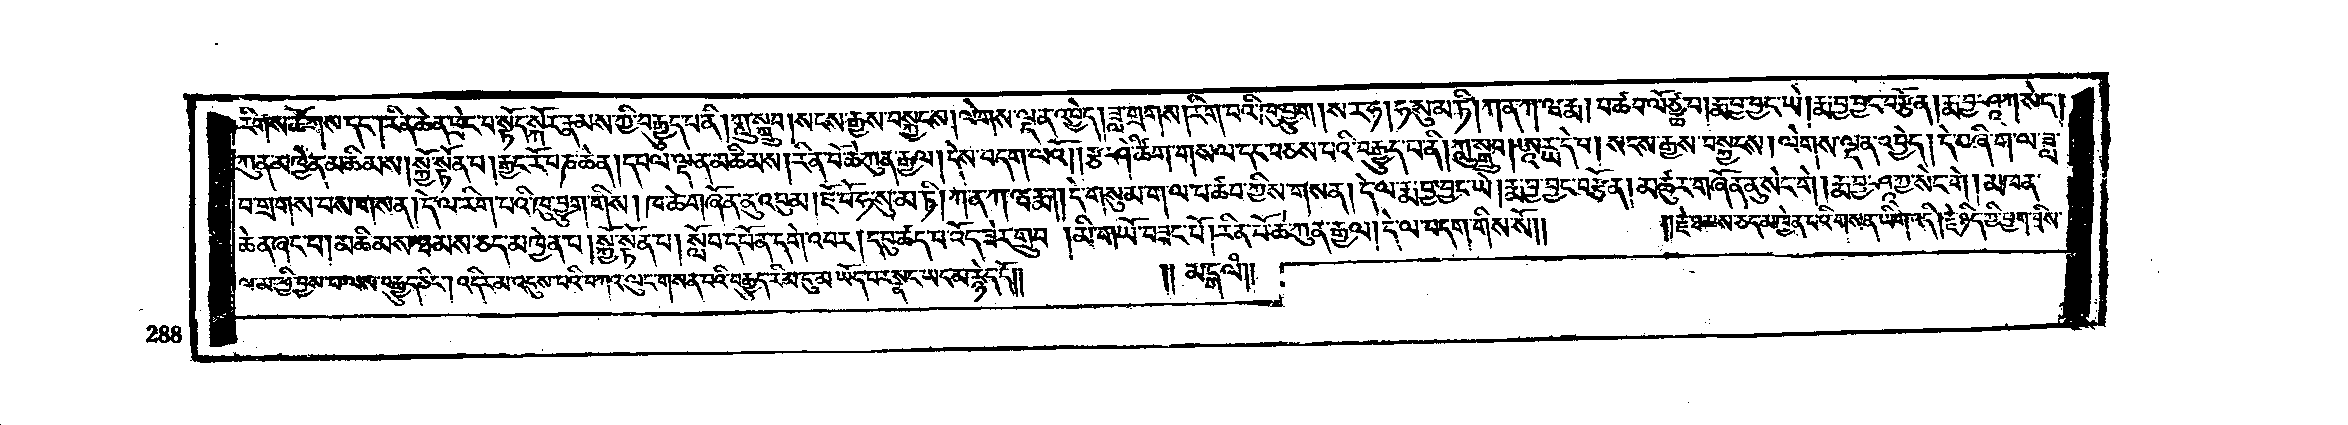རིགས་ཚོགས་དང་། རིན་ཆེན་ཕྲེང་བ་སྟོད་སྐོར་རྣམས་ཀྱི་བརྒྱུད་པ་ནི། ཀླུ་སྒྲུབ། སངས་རྒྱས་བསྐྱངས། ལེགས་ལྡན་འབྱེད། ཟླ་གྲགས། རིག་པའི་ཁུ་བྱུག། ས་ར་ཧ། ཧ་སུ་མ་ཏི། ཀ་ན་ཀ་ཝ་རྨ། པ་ཚ་བ་ལོཙྪ་བ། རྨ་བྱ་བྱང་ཡེ། རྨ་བྱ་བྱང་བརྩོན། རྨ་བྱ་ཤྰྐ་སེང་།
ཀུན་མཁྱེན་མཆིམས། སྐྱོ་སྟོན་པ། རྒྱང་རོ་པཎ་ཆེན། དཔལ་ལྡན་མཆིམས། རིན་པོ་ཆེ་ཀུན་རྒྱལ། དེས་བདག་ལའོ། །རྩ་ཤེ་ཚིག་གསལ་དང་བཅས་པའི་བརྒྱུད་པ་ནི། ཀླུ་སྒྲུབ། ཨཱརྱ་དེ་བ། སངས་རྒྱས་བསྐྱངས། ལེགས་ལྡན་འབྱེད། དེ་བཞི་ག་ལ་ཟླ་
བ་གྲགས་པས་གསན། དེ་ལ་རིག་པའི་ཁུ་བྱུག་གིས། ཁ་ཆེ་གཞོན་ནུ་འབུམ། ཇོ་བོ་ཧ་སུ་མ་ཏི། ཀ་ན་ཀ་ཝ་རྨ། །དེ་གསུམ་ག་ལ་པ་ཚབ་ཀྱིས་གསན། དེ་ལ་རྨ་བྱ་བྱང་ཡེ། རྨ་བྱ་བྱང་བརྩོན། མཚུར་གཞོན་ནུ་སེང་གེ། རྨ་བྱ་ཤཱཀྱ་སེང་གེ། མཁན་
ཆེན་ཞང་པ། མཆིམས་ཐམས་ཅད་མཁྱེན་པ། སྐྱོ་སྟོན་པ། སློབ་དཔོན་དགེ་འབར། དབུ་ཚད་པ་འོད་ཟེར་གྲུབ། མི་གཡོ་བཟང་པོ། རིན་པོ་ཆེ་ཀུན་རྒྱལ། དེ་ལ་བདག་གིས་སོ།། །། རྗེ་ཐམས་ཅད་མཁྱེན་པའི་གསན་ཡིག་འདི། རྗེ་ཉིད་ཀྱི་ཕྱག་བྲིས་
ལ་མ་ཕྱི་བྱས་པ་ལས་བརྒྱུད་ཅིང་། འདིར་མ་འདུས་པའི་བཀའ་ལུང་གསན་པའི་བརྒྱུད་རིམ་དུ་མ་ཡོད་པར་སྣང་ཡང་མ་རྙེད་དོ་།། །།མངྒ་ལཾ།།